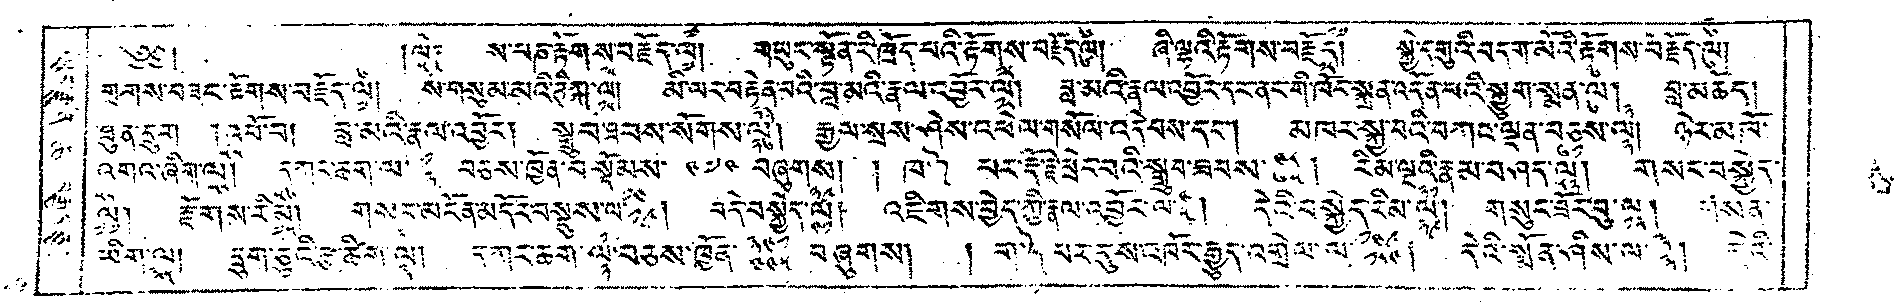༄༅། །༥་ལ ༥༑ ས་པཎ་རྟོགས་བརྗོད ༧་ལ ༧། གཡུང་སྟོན་རི་ཁྲོད་པའི་རྟོགས་བརྗོད ༦་ལ ༦། ཞི་ལྷའི་རྟོགས་བརྗོད ༡༧ ༡༨། སྐྱེ་དགུའི་བདག་མོའི་རྟོགས་བརྗོད ༦་ལ ༦།
གྲགས་བཟང་རྟོགས་བརྗོད ༦་ལ ༧། ས་གསུམ་མའི་ཊིཀྐ ༡༥་ལ ༡༥། མི་ལར་བརྟེན་པའི་བླ་མའི་རྣལ་འབྱོར ༡༨་ལ ༡༨། བླ་མའི་རྣལ་འབྱོར་དང་ནང་གི་ཁོང་སྐྲན་འདོན་པའི་སྐྱུག་སྨན ༦་ལ ༦། བླ་མཆོད།
ཐུན་དྲུག །འཕོ་བ། བླ་མའི་རྣལ་འབྱོར། སྒྲུབ་ཐབས་སོགས ༢༣་ལ ༢༦། རྒྱལ་སྲས་ཤེས་འཕེལ་གསོལ་འདེབས་དང་། མཁར་སྐྱ་བའི་བཀའ་ལྡན་བཅས ༢་ལ ༢། ཉེར་མཁོ་
འགའ་ཞིག ༥༥་ལ ༥༨། དཀར་ཆག་ལ ༡ ༢་བཅས་ཁྱོན་བསྡོམས ༤༧༤་བཞུགས། །ཁ྄་པར་རྡོ་རྗེ་ཕྲེང་བའི་སྒྲུབ་ཐབས ༤༨ ༦༥། རིམ་ལྔའི་རྣམ་བཤད ༦༡་ལ ༨༢། གསང་བསྐྱེད་
༥༨་ལ ༧༧། རྫོགས་རིམ ༥༦ ༧༥། གསང་མངོན་མདོར་བསྡུས་ལ ༡༤ ༡༩། བདེ་བསྐྱེད ༢༩་ལ ༤༡། འཇིགས་བྱེད་ཀྱི་རྣལ་འབྱོར་ལ ༤ ༥། དེའི་བསྐྱེད་རིམ ༢༡་ལ ༢༡། གསུང་ཐོར་བུ་ལ ༡༢། གསན་
ཡིག་ལ ༣༥། དྲུག་ཅུའི་རྩ་ཚིག ༢་ལ ༣། དཀར་ཆག ༡་ལ ༢་བཅས་ཁྱོན ༣༤༡ ༤༤༥་བཞུགས། །ག྄་པར་དུས་འཁོར་རྒྱུད་འགྲེལ་ལ ༡༤༩ ༡༨༤། དེའི་སྨོན་ཤིས་ལ ༣ ༣། དེའི་